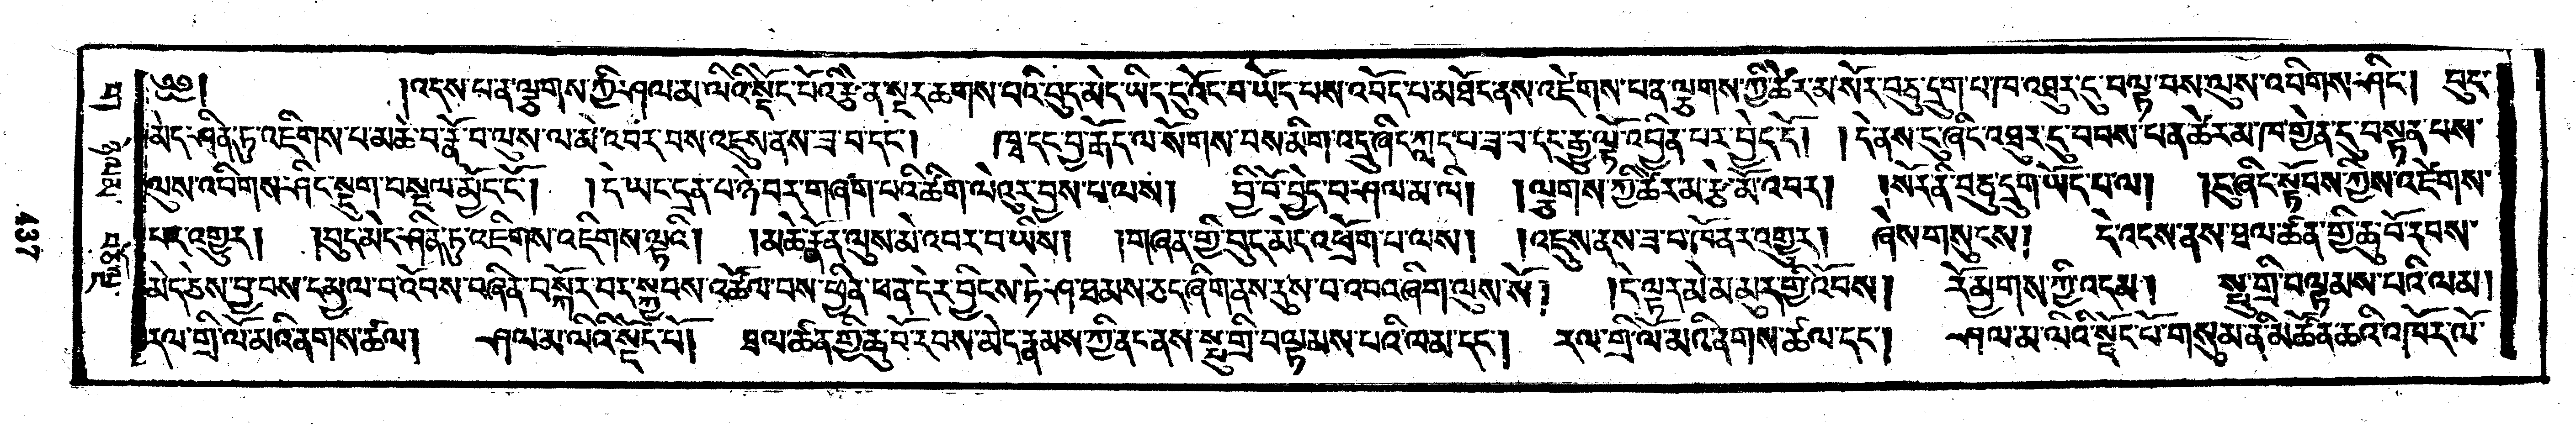༄༅། །འདས་པ་ན་ལྕགས་ཀྱི་ཤལ་མ་ལིའི་སྡོང་པོའི་རྩེ་ན་སྔར་ཆགས་པའི་བུད་མེད་ཡིད་དུ་འོང་བ་ཡོད་པས་འབོད་པ་མཐོང་ནས་འཛེགས་པ་ན་ལྕགས་ཀྱི་ཚེར་མ་སོར་བཅུ་དྲུག་པ་ཁ་འཐུར་དུ་བལྟ་བས་ལུས་འབིགས་ཤིང་། བུང་
མེད་ཤིན་ཏུ་འཇིགས་པ་མཆེ་བ་རྣོ་བ་ལུས་ལ་མེ་འབར་བས་འཇུས་ནས་ཟ་བ་དང་། ཁྭ་དང་བྱ་རྒོད་ལ་སོགས་བས་མིག་འདྲུ་ཞིང་ཀླད་པ་ཟ་བ་དང་རྒྱུ་ལྟོ་འབྱིན་པར་བྱེད་དོ། །དེ་ནས་དུ་ཞིང་འཐུར་དུ་བབས་པན་ཚེར་མ་ཁ་གྱེན་དུ་བསྟན་པས་
ལུས་འབིགས་ཤིང་སྡུག་བསྔལ་མྱོང་ངོ། །དེ་ཡང་དྲན་པ་ཉེ་བར་གཞག་པའི་ཚིག་ལེའུར་བྱས་པ་ལས། བྱི་བོ་བྱེད་བ་ཤལ་མ་ལི། །ལྕགས་ཀྱི་ཚེར་མ་རྩེ་མོ་འབར། །སོར་ནི་བཅུ་དྲུག་ཡོད་པ་ལ། །ངུ་ཞིང་སྟོབས་ཀྱིས་འཛེགས་
པར་འགྱུར། །བུད་མེད་ཤིན་ཏུ་འཇིགས་འཇིགས་ལྟའི། །མཆེ་རྣོན་ལུས་མེ་འབར་བ་ཡིས། །གཞན་གྱི་བུད་མེད་འཕྲོག་པ་ལས། །འཇུས་ནས་ཟ་བ་ཁོ་ནར་འགྱུར། ཞེས་གསུངས། དེ་འངས་ནས་ཐལ་ཚན་གྱི་ཆུ་བོ་རབས་
མེད་ཅེས་བྱ་བས་དམྱལ་བ་འོབས་བཞིན་བསྐོར་བར་སྐྱབས་འཚོལ་བས་ཕྱིན་ཕན་དེར་བྱིངས་ཏེ་ཤ་ཐམས་ཅད་ཞིག་ནས་རུས་བ་འབའ་ཞིག་ལུས་སོ། །དེ་ལྟར་མེ་མ་མུར་གྱི་འོབས། རོ་མྱགས་ཀྱི་འདམ། སྤུ་གྲི་བལྟམས་པའི་ལམ།
རལ་གྲི་ལོ་མའི་ནགས་ཚལ། ཤལ་མ་ལིའི་སྡོང་པོ། ཐལ་ཚན་གྱི་ཆུ་བོ་རབས་མེད་རྣམས་ཀྱི་ནང་ནས་སྤུ་གྲི་བལྟམས་པའི་ལམ་དང་། རལ་གྲི་ལོ་མའི་ནགས་ཚལ་དང་། ཤལ་མ་ལིའི་སྡོང་པོ་གསུམ་ནི་མཚོན་ཆའི་འཁོར་ལོ་